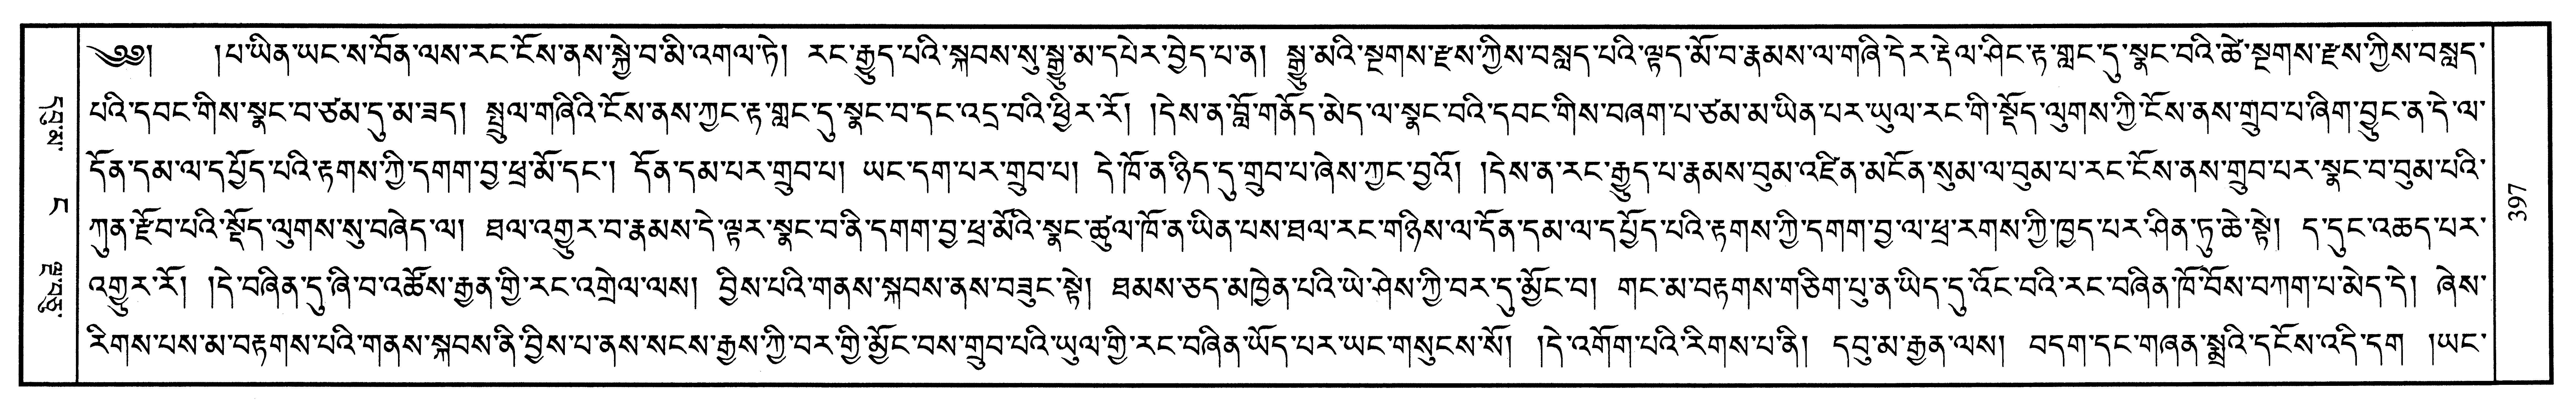༄༅། །པ་ཡིན་ཡང་ས་བོན་ལས་རང་ངོས་ནས་སྐྱེ་བ་མི་འགལ་ཏེ། རང་རྒྱུད་པའི་སྐབས་སུ་སྒྱུ་མ་དཔེར་བྱེད་པ་ན། སྒྱུ་མའི་སྔགས་རྫས་ཀྱིས་བསླད་པའི་ལྟད་མོ་བ་རྣམས་ལ་གཞི་དེར་རྡེལ་ཤིང་རྟ་གླང་དུ་སྣང་བའི་ཚེ་སྔགས་རྫས་ཀྱིས་བསླད་
པའི་དབང་གིས་སྣང་བ་ཙམ་དུ་མ་ཟད། སྤྲུལ་གཞིའི་ངོས་ནས་ཀྱང་རྟ་གླང་དུ་སྣང་བ་དང་འདྲ་བའི་ཕྱིར་རོ། །དེས་ན་བློ་གནོད་མེད་ལ་སྣང་བའི་དབང་གིས་བཞག་པ་ཙམ་མ་ཡིན་པར་ཡུལ་རང་གི་སྡོད་ལུགས་ཀྱི་ངོས་ནས་གྲུབ་པ་ཞིག་བྱུང་ན་དེ་ལ་
དོན་དམ་ལ་དཔྱོད་པའི་རྟགས་ཀྱི་དགག་བྱ་ཕྲ་མོ་དང་། དོན་དམ་པར་གྲུབ་པ། ཡང་དག་པར་གྲུབ་པ། དེ་ཁོ་ན་ཉིད་དུ་གྲུབ་པ་ཞེས་ཀྱང་བྱའོ། །དེས་ན་རང་རྒྱུད་པ་རྣམས་བུམ་འཛིན་མངོན་སུམ་ལ་བུམ་པ་རང་ངོས་ནས་གྲུབ་པར་སྣང་བ་བུམ་པའི་
ཀུན་རྫོབ་པའི་སྡོད་ལུགས་སུ་བཞེད་ལ། ཐལ་འགྱུར་བ་རྣམས་དེ་ལྟར་སྣང་བ་ནི་དགག་བྱ་ཕྲ་མོའི་སྣང་ཚུལ་ཁོ་ན་ཡིན་པས་ཐལ་རང་གཉིས་ལ་དོན་དམ་ལ་དཔྱོད་པའི་རྟགས་ཀྱི་དགག་བྱ་ལ་ཕྲ་རགས་ཀྱི་ཁྱད་པར་ཤིན་ཏུ་ཆེ་སྟེ། ད་དུང་འཆད་པར་
འགྱུར་རོ། །དེ་བཞིན་དུ་ཞི་བ་འཚོས་རྒྱན་གྱི་རང་འགྲེལ་ལས། བྱིས་པའི་གནས་སྐབས་ནས་བཟུང་སྟེ། ཐམས་ཅད་མཁྱེན་པའི་ཡེ་ཤེས་ཀྱི་བར་དུ་མྱོང་བ། གང་མ་བརྟགས་གཅིག་པུ་ན་ཡིད་དུ་འོང་བའི་རང་བཞིན་ཁོ་བོས་བཀག་པ་མེད་དེ། ཞེས་
རིགས་པས་མ་བརྟགས་པའི་གནས་སྐབས་ནི་བྱིས་པ་ནས་སངས་རྒྱས་ཀྱི་བར་གྱི་མྱོང་བས་གྲུབ་པའི་ཡུལ་གྱི་རང་བཞིན་ཡོད་པར་ཡང་གསུངས་སོ། །དེ་འགོག་པའི་རིགས་པ་ནི། དབུ་མ་རྒྱན་ལས། བདག་དང་གཞན་སྨྲའི་དངོས་འདི་དག །ཡང་